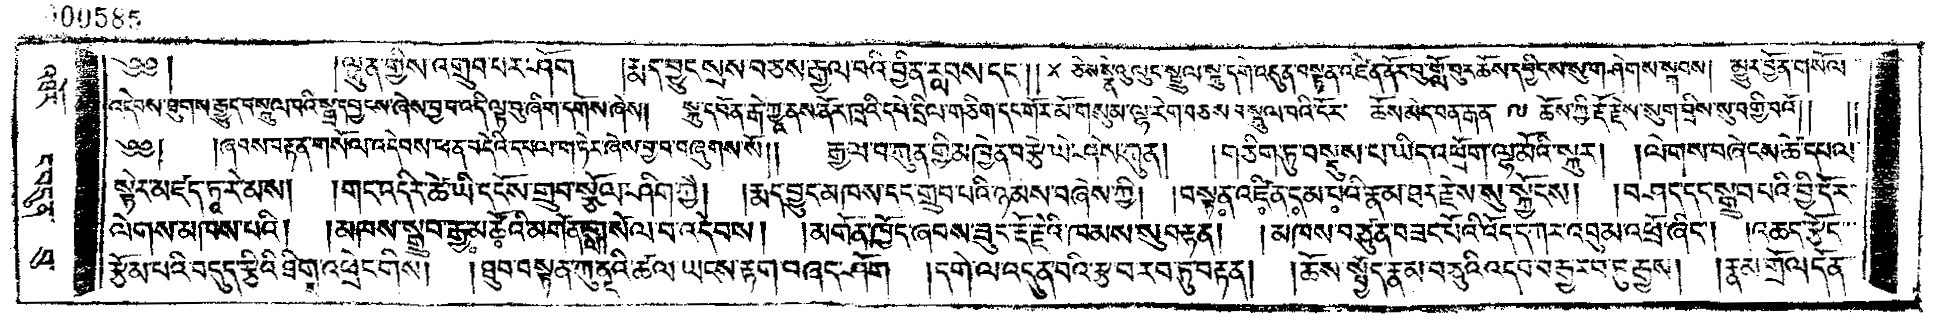༄༅། །ལྷུན་གྱིས་འགྲུབ་པར་ཤོག །རྨད་བྱུང་སྲས་བཅས་རྒྱལ་བའི་བྱིན་རླབས་དང་། །྾་ཅེས་སྣེའུ་ལུང་སྤྲུལ་སྐུ་དགེ་འདུན་བསྟན་འཛིན་ནོར་བུ་གློ་བུར་ཆོས་དབྱིངས་སུ་གཤེགས་སྐབས། མྱུར་བྱོན་གསོལ་
འདེབས་ཐུགས་རྒྱུད་བསྐུལ་བའི་སྒྲ་དབྱངས་ཞེས་བྱ་བ་འདི་ལྟ་བུ་ཞིག་དགོས་ཞེས། སྐུ་དཔོན་རྒེ་ཀྱཱ་ནས་ནོར་ཁྲའི་དཔེ་དྲིལ་གཅིག་དང་གོར་མོ་གསུམ་ལྷ་རེག་བཅས་བསྐུལ་བའི་ངོར་ཆོས་མེད་བན་རྒན་༧་ཆོས་ཀྱི་རྡོ་རྗེས་སུག་བྲིས་སུ་བགྱི་བའོ།། །།
༄༅། །ཞབས་བརྟན་གསོལ་འདེབས་ཕན་བདེའི་དཔལ་གཏེར་ཞེས་བྱ་བ་བཞུགས་སོ།། རྒྱལ་བ་ཀུན་གྱི་མཁྱེན་བརྩེ་ཡེ་ཤེས་ཀུན། །གཅིག་ཏུ་བསྡུས་པ་ཡིད་འཕྲོག་ལྷ་མོའི་སྐུར། །ལེགས་བཞེངས་ཚེ་དཔལ་
སྟེར་མཛད་ཏཱ་རེ་མས། །གང་འདིར་ཚེ་ཡི་དངོས་གྲུབ་སྩོལ་ཤིག་ཀྱཻ། །རྨད་བྱུང་མཁས་དང་གྲུབ་པའི་ཉམས་བཞེས་ཀྱི། །བསྟན྾་འཛིན྾་དམ྾་པའི྾་རྣམ་ཐར་རྗེས་སུ་སྐྱོངས། །བཤད་དང་སྒྲུབ་པའི་བྱི་དོར་
ལེགས་མཁས་པའི། །མཁས་སྒྲུབ་རྒྱ྾་མཚོའི྾་མགོན་ལ་གསོལ་བ་འདེབས། །མགོན་ཁྱོད་ཞབས་ཟུང་རྡོ་རྗེའི་ཁམས་སུ་བརྟན། །མཁས་བཙུན་བཟང་པོའི་འོད་དཀར་འབུམ་འཕྲོ་ཞིང་། །འཆད་རྩོད་
རྩོམ་པའི་བདུད་རྩིའི་ཐིགས་འཕྲེང་གིས། །ཐུབ་བསྟན་ཀུནྡའི་ཚལ་ཡངས་རྟག་བཞད་ཤོག །དགེ་ལ་འདུན་བའི་རྩ་བ་རབ་ཏུ་བརྟན། །ཆོས་སྤྱོད་རྣམ་བཅུའི་འདབ་བརྒྱ་རབ་ཏུ་རྒྱས། །རྣམ་གྲོལ་དོན་